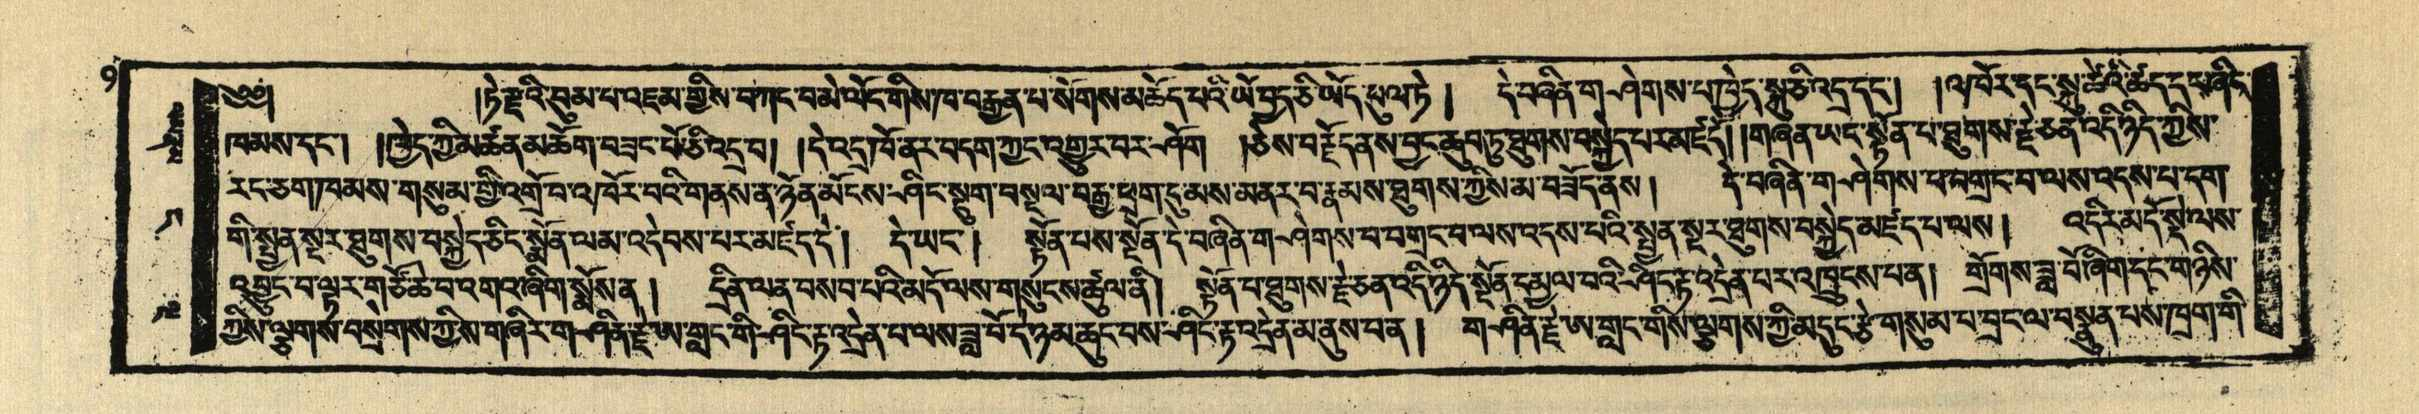༄༅། །ཏེ་རྫའི་བུམ་པ་འཇམ་གྱིས་བཀང་བ་མེ་ལོང་གིས་ཁ་བརྒྱན་པ་སོགས་མཆོད་པའི་ཡོ་བྱད་ཅི་ཡོད་ཕུལ་ཏེ། དེ་བཞིན་གཤེགས་པ་ཁྱེད་སྐུ་ཅི་འདྲ་དང་། །འཁོར་དང་སྐུ་ཚེའི་ཚད་དང་ཞིང་
ཁམས་དང་། །ཁྱེད་ཀྱི་མཚན་མཆོག་བཟང་པོ་ཅི་འདྲ་བ། །དེ་འདྲ་ཁོ་ནར་བདག་ཀྱང་འགྱུར་བར་ཤོག །ཅེས་བརྗོད་ནས་བྱང་ཆུབ་ཏུ་ཐུགས་བསྐྱེད་པར་མཛད་དོ། །གཞན་ཡང་སྟོན་པ་ཐུགས་རྗེ་ཅན་འདི་ཉིད་ཀྱིས་
རང་ཅག་ཁམས་གསུམ་གྱི་འགྲོ་བ་འཁོར་བའི་གནས་ན་ཉོན་མོངས་ཤིང་སྡུག་བསྔལ་བརྒྱ་ཕྲག་དུ་མས་མནར་བ་རྣམས་ཐུགས་ཀྱིས་མ་བཟོད་ནས། དེ་བཞིན་གཤེགས་པ་བགྲང་བ་ལས་འདས་པ་དག་
གི་སྤྱན་སྔར་ཐུགས་བསྐྱེད་ཅིང་སྨོན་ལམ་འདེབས་པར་མཛད་དེ། དེ་ཡང་། སྟོན་པས་སྔོན་དེ་བཞིན་གཤེགས་པ་བགྲང་བ་ལས་འདས་པའི་སྤྱན་སྔར་ཐུགས་བསྐྱེད་མཛད་པ་ལས། འདིར་མདོ་སྡེ་ལས་
འབྱུང་བ་ལྟར་གཙོ་ཆེ་བ་འགའ་ཞིག་སྨོས་ན། དྲིན་ལན་བསབ་པའི་མདོ་ལས་གསུངས་ཚུལ་ནི། སྟོན་པ་ཐུགས་རྗེ་ཅན་འདི་ཉིད་སྔོན་དམྱལ་བའི་ཤིང་རྟ་འདྲེན་པར་འཁྲུངས་པ་ན། གྲོགས་ཟླ་བོ་ཞིག་དང་གཉིས་
ཀྱིས་ལྕགས་བསྲེགས་ཀྱིས་གཞིར་གཤིན་རྗེ་ཨ་གླང་གི་ཤིང་རྟ་འདྲེན་པ་ལས་ཟླ་བོ་དེ་ཉམ་ཆུང་བས་ཤིང་རྟ་འདྲེན་མ་ནུས་པ་ན། གཤིན་རྗེ་ཨ་གླང་གིས་ལྕགས་ཀྱི་མདུང་རྩེ་གསུམ་པ་བྲང་ལ་བསྣུན་པས་ཁྲག་གི་